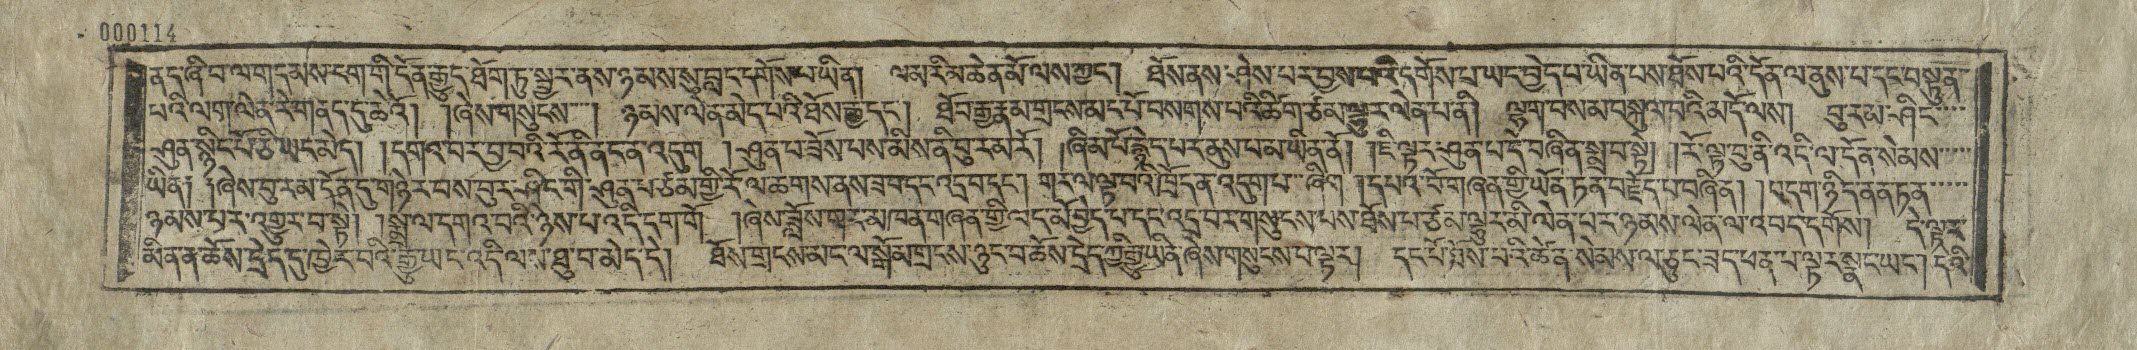ནད་ཞི་བ་ལ་གདམས་ངག་གི་དོན་རྒྱུད་ཐོག་ཏུ་སྦྱར་ནས་ཉམས་སུ་བླང་དགོས་པ་ཡིན། ལམ་རིམ་ཆེན་མོ་ལས་ཀྱང་། ཐོས་ནས་ཤེས་པར་བྱས་པའི་དགོས་པ་ཡང་བྱེད་པ་ཡིན་པས་ཐོས་པའི་དོན་ལ་ནུས་པ་དང་བསྟུན་
པའི་ལག་ལེན་རེ་གནད་དུ་ཆེའོ། །ཞེས་གསུངས། ཉམས་ལེན་མེད་པའི་ཐོས་རྒྱ་དང་། ཐོབ་རྒྱ་རྣམ་གྲངས་མང་པོ་བསགས་པའི་ཚིག་ཙམ་ལྷུར་ལེན་པ་ནི། ལྷག་བསམ་བསྐུལ་བའི་མདོ་ལས། བུ་རམ་ཤིང་
ཤུན་སྙིང་པོ་ཅི་ཡང་མེད། །དགའ་བར་བྱ་བའི་རོ་ནི་ནང་ན་འདུག །ཤུན་པ་ཟོས་པས་མིས་ནི་བུ་རམ་རོ། །ཞིམ་པོ་རྙེད་པར་ནུས་པ་མ་ཡིན་ནོ། །ཇི་ལྟར་ཤུན་པ་དེ་བཞིན་སྨྲ་བ་སྟེ། །རོ་ལྟ་བུ་ནི་འདི་ལ་དོན་སེམས་
ཡིན༑ ༑ཞེས་བུ་རམ་དོན་དུ་གཉེར་བས་བུར་ཤིང་གི་ཤུན་པ་ཙམ་གྱི་རོ་ལ་ཆགས་ནས་ཟ་བ་དང་འདྲ་བ་དང་། གར་ལ་ལྟ་བའི་ཁྲོད་ན་འདུག་པ་ཞིག །དཔའ་བོ་གཞན་གྱི་ཡོན་ཏན་བརྗོད་པ་བཞིན། །བདག་ཉིད་ནན་ཏན་
ཉམས་པར་འགྱུར་བ་སྟེ། །སྨྲ་ལ་དགའ་བའི་ཉེས་པ་འདི་དག་གོ །ཞེས་ཟློས་གར་མཁན་གཞན་གྱི་ལད་མོ་བྱེད་པ་དང་འདྲ་བར་གསུངས་པས་ཐོས་པ་ཙམ་ལྷུར་མི་ལེན་པར་ཉམས་ལེན་ལ་འབད་དགོས། དེ་ལྟར་
མིན་ན་ཆོས་དྲེད་དུ་ཁྱེར་བའི་རྒྱུ་ཡང་འདི་ལས་ཐུ་བ་མེད་དེ། ཐོས་གྲངས་མང་ལ་སྒོམ་གྲངས་ཉུང་བ་ཆོས་དྲེད་ཀྱི་རྒྱུ་ཡིན་ཞེས་གསུངས་པ་ལྟར། དང་པོ་ཐོས་པའི་ཚེ་ན་སེམས་ལ་ཅུང་ཟད་ཕན་པ་ལྟར་སྣང་ཡང་། དེའི་